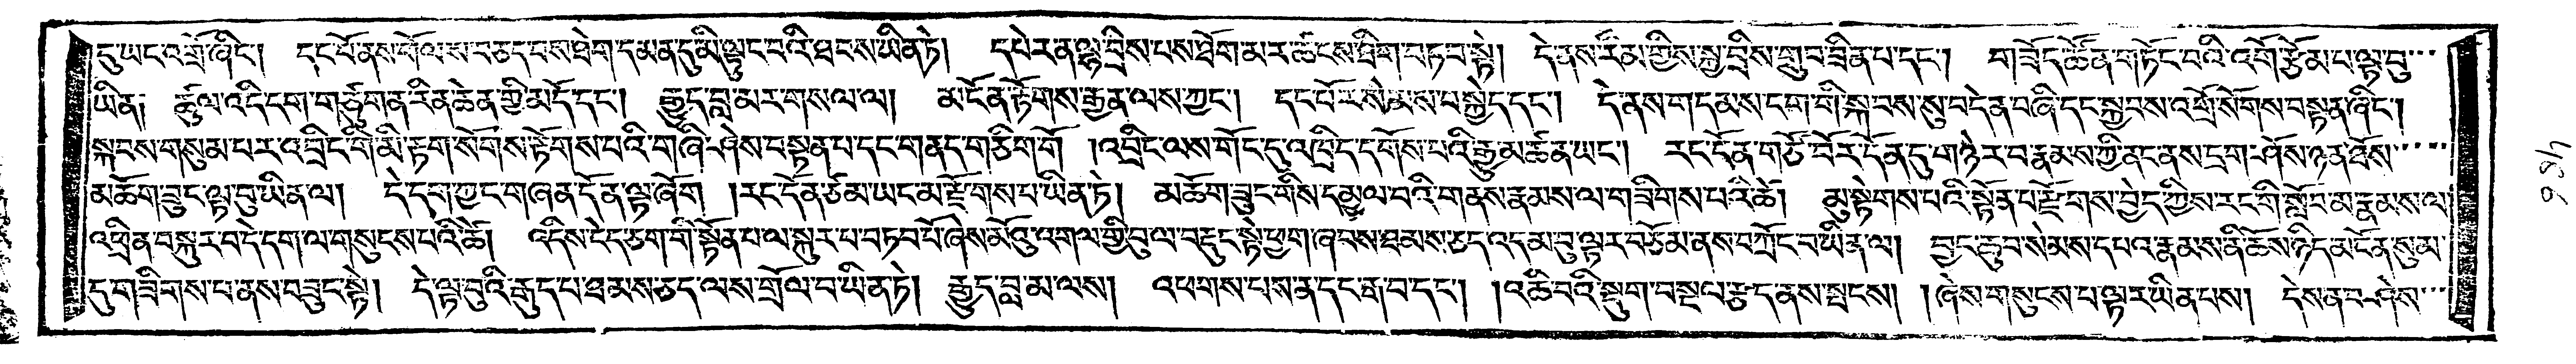དུ་ཡང་འགྲོ་ཞིང་། དང་པོ་ནས་གོ་ལས་བཅད་བས་ཐེག་དམན་དུ་མི་ལྟུང་བའི་ཐབས་ཡིན་ཏེ། དཔེར་ན་ལྷ་བྲིས་པས་ཐོག་མར་ཚངས་ཐིག་བཏབ་སྟེ། དེ་ནས་རིམ་གྱིས་སྐྱ་བྲིས་གྲུབ་ཟིན་པ་དང་། གཟོད་ཚོན་གཏོང་བའི་འགོ་རྩོམ་པ་ལྟ་བུ་
ཡིན༑ ཚུལ་འདི་དག་གཙུག་ན་རིན་ཆེན་གྱི་མདོ་དང་། རྒྱུད་བླ་མར་གསལ་ལ། མངོན་རྟོགས་རྒྱན་ལས་ཀྱང་། དང་པོར་སེམས་བསྐྱེད་དང་། དེ་ནས་གདམས་ངག་གི་སྐབས་སུ་བདེན་བཞི་དང་སྐྱབས་འགྲོ་སོགས་བསྟན་ཞིང་།
སྐབས་གསུམ་པར་འབྲིང་གི་མི་རྟག་སོགས་རྟོགས་བའི་གཞི་ཤེས་བསྟན་པ་དང་གནད་གཅིག་གོ །འབྲིང་ལས་གོང་དུ་འཁྲིད་དགོས་པའི་རྒྱུ་མཚན་ཡང་། རང་དོན་གཙོ་བོར་དོན་དུ་གཉེར་བ་རྣམས་ཀྱི་ནང་ནས་དྲག་ཤོས་ཉན་ཐོས་
མཆོག་ཟུང་ལྟ་བུ་ཡིན་ལ། དེ་དག་ཀྱང་གཞན་དོན་ལྟ་ཞོག །རང་དོན་ཙམ་ཡང་མ་རྫོགས་པ་ཡིན་ཏེ། མཆོག་ཟུང་གིས་དམྱལ་བའི་གནས་རྣམས་ལ་གཟིགས་པའི་ཚེ། མུ་སྟེགས་པའི་སྟོན་པ་རྫོགས་བྱེད་ཀྱིས་རང་གི་སློབ་མ་རྣམས་ལ་
འཕྲིན་བསྐུར་བདེ་དག་ལ་གསུངས་པའི་ཚེ། འདིས་ངེད་ཅག་གི་སྟོན་ཕལ་སྐུར་པ་བཏབ་པོ་ཞེས་མོའུ་འགལ་གྱི་བུལ་བརྡུང་སྟེ་ཕྱག་ཞབས་ཐམས་ཅད་འདམ་བུ་ལྟར་བཅོམ་ནས་བཀྲོང་བ་ཡིན་ལ། བྱང་ཆུབ་སེམས་དཔའ་རྣམས་ནི་ཆོས་ཉིད་མངོན་སུམ་
དུ་གཟིགས་པ་ནས་བཟུང་སྟེ། དེ་ལྟ་བུའི་རྒུད་པ་ཐམས་ཅད་ལས་གྲོལ་བ་ཡིན་ཏེ། རྒྱུད་བླ་མ་ལས། འཕགས་པས་ན་དང་རྒ་བ་དང་། །འཆི་བའི་སྡུག་བསྔལ་རྩད་ནས་སྤངས། །ཞེས་གསུངས་པ་ལྟར་ཡིན་པས། དེས་ན་བཤེས་